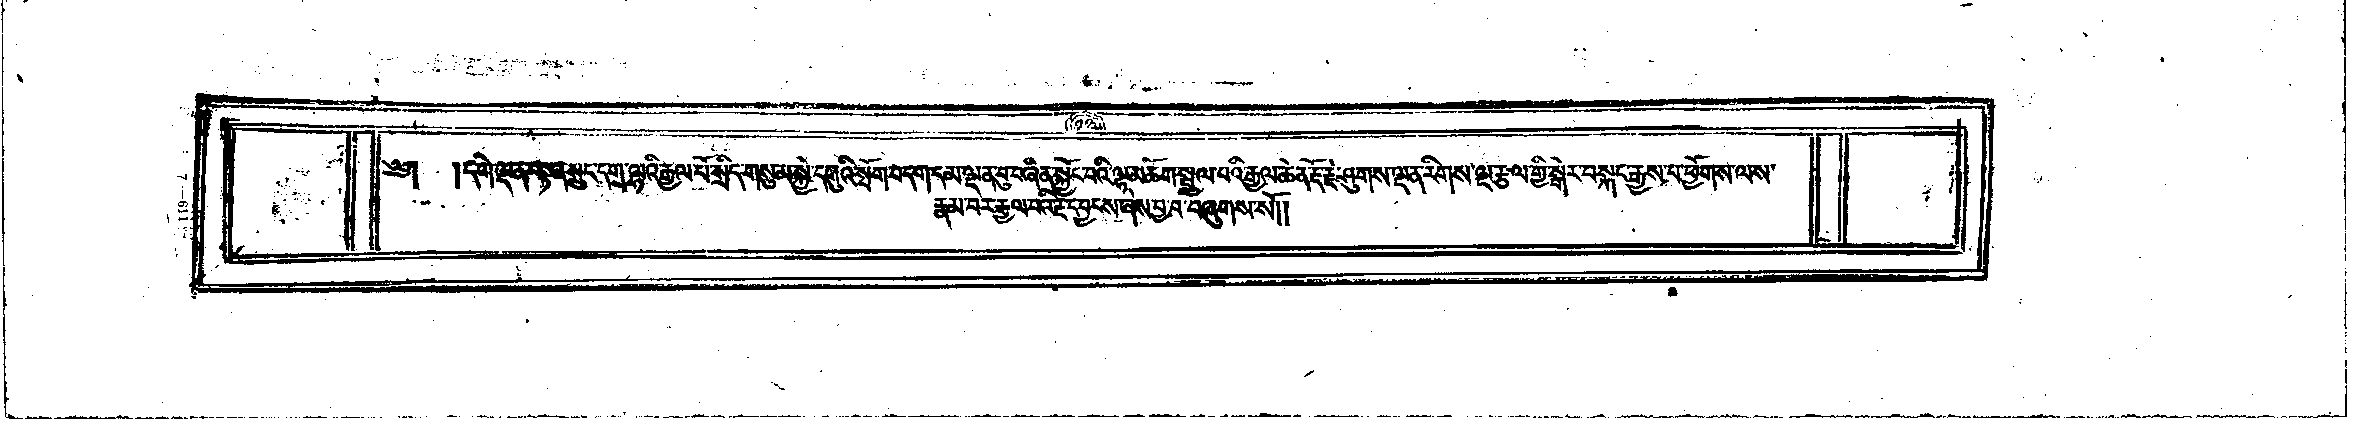༄༅། དགེ་ལྡན་བསྟན་སྲུང་དགྲ་ལྷའི་རྒྱལ་པོ་སྲིད་གསུམ་སྐྱེད་ཟུའི་སྲོག་བདག་དམ་ལྡན་བུ་བཞིན་སྐྱོང་བའི་ལྷ་མཆོག་སྤྲུལ་བའི་རྒྱལ་ཆེན་རྡོ་རྗེ་ཤུགས་ལྡན་རྩལ་གྱི་སྒོར་སྐང་རྒྱས་
པ་ཕྱོགས་ལས་རྣམ་པར་རྒྱལ་པའི་རྔ་དབྱངས་ཞེས་བྱ་བ་བཞུགས་སོ། །།